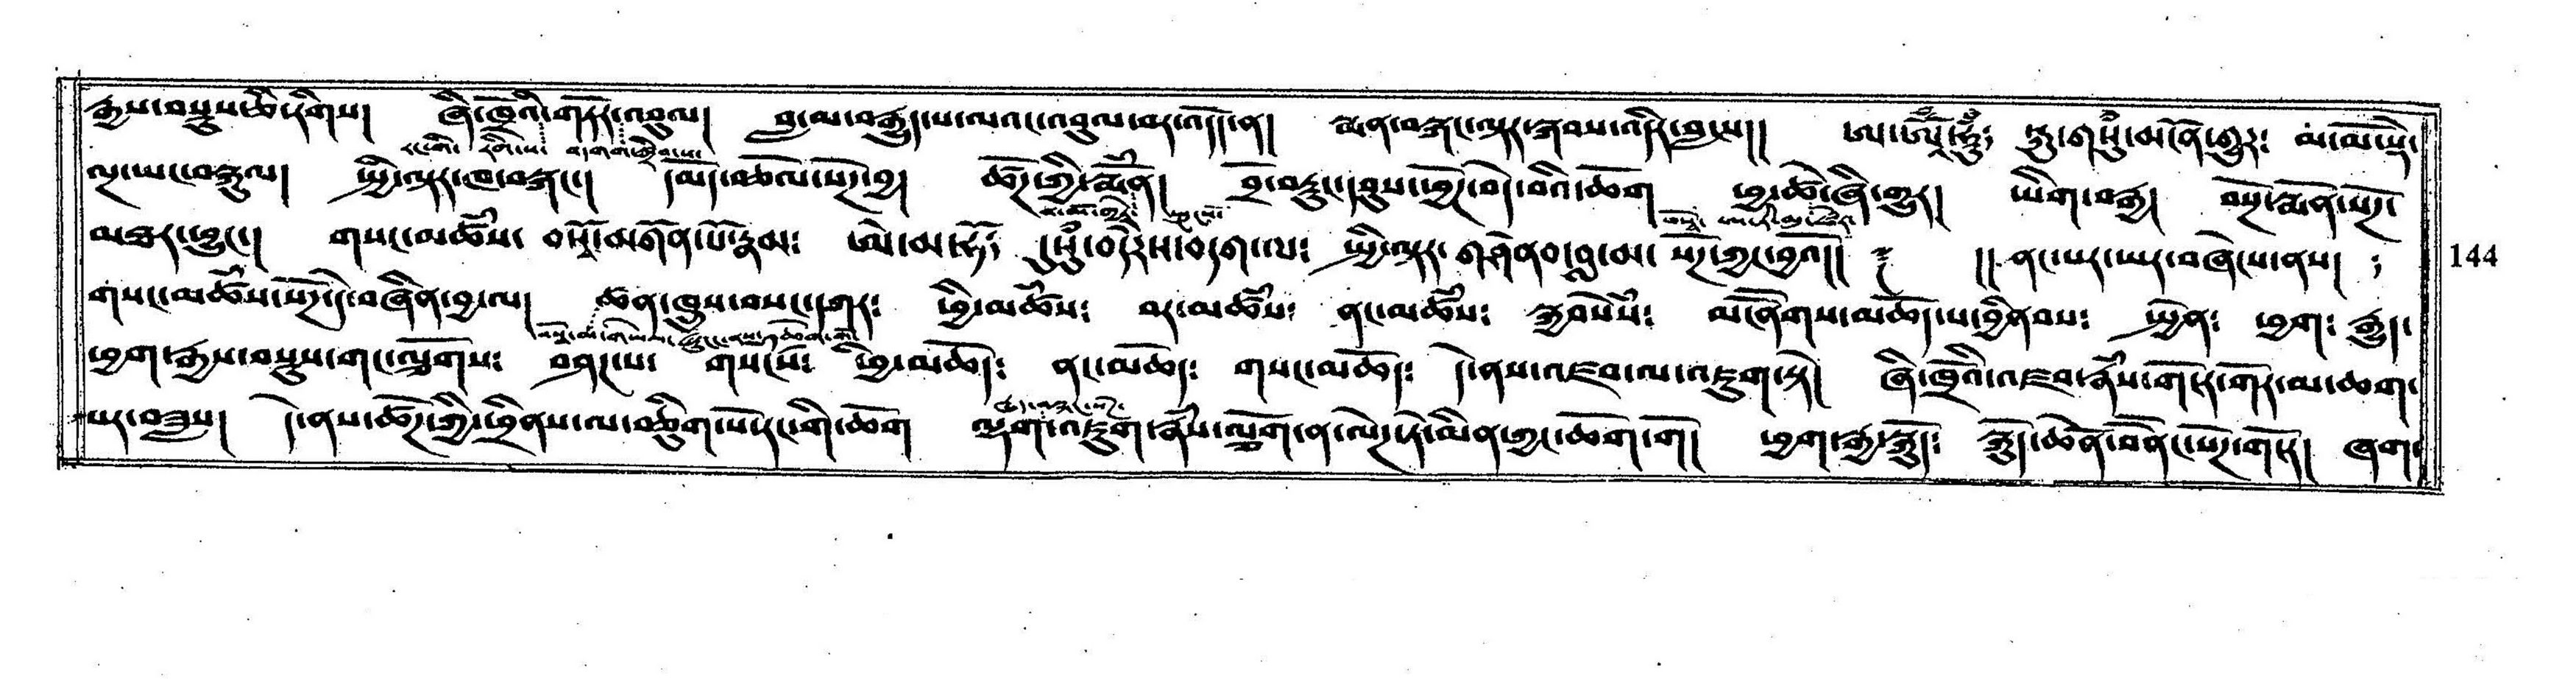རྒྱས་བསྡུས་ཅི་རིགས། ཞི་ཁྲོའི་(རང་གི་རིག་པ) གཏོར་(བདག་ཅག་སྒྲིབ་པ་) འབུལ། བླ་མ་བརྒྱུད་པ་ལའང་འབུལ་བར་འདོད་ན། སྨན་བསྐང་ལྟར་སྐབས་འདིར་བླངས།། ཨ་ཨཱོཾ་ཧཱུྃ སྐུ་གསུམ་མངོན་གྱུར༴ མ་མོ་སྡེ་
ལྔ་ཡང་བསྐུལ། སྤྱི་ལྟར་ཁ་བསྐང་། དམོད་བཅོལ་སོགས་བྱ། ཚོགས་ཀྱི་སྨོན་ལམ(མ་མོ་གྱེར་སྤུངས་སོ་)། བྲོ་བརྡུང་དབུས་ཕྱོགས་བདེ་བའི་ཆོག ཕྱ་ཚེ་(བསྭོ་ཨ་ཏི་མུ་ཝེར་)ཞི་གྱུར། ཡིག་བརྒྱ། བསྔོ་སྨོན་སོགས་
མཐར་ཕྱུང་། གསང་མཚམས་བསྭོ་མགོན་པོ་རྣམ༴ ཨེ་མ་ཧོ དུས་གསུམ་བདེར་གཤེགས་བདག་ལ༴ སྤྱི་ལྟར་གཤེན་རབ་བླ་མ་སོགས་ཀྱང་བྱའོ།། ༈ །ནང་པར་ཡར་བཞེངས་ནས། 
གསང་མཚམས་སོགས་དེ་བཞིན་བྱ་ལ། ཚན་(བསྭོ་མ་གཡེལ་ཞང་ཞུང་ནས་ཆོག་གོ་)ཁྲུས་བསང་དཀར༴ ཕྱི་མཚམས༴ བར་མཚམས༴ ནང་མཚམས༴ སྐྱབས་སེམས༴ མངོན་རྟོགས་མཆོད་པ་བྱིན་རླབས༴ སྤྱན་འདྲེན༴ ཕྱག༴ རྒྱུད་
ཕྱག་རྒྱས་བསྡུས་གང་ལྕོགས༴ བཤགས་པ༴ གསང་རྫས༴ ཕྱི་མཆོད༴ ནང་མཆོད༴ གསང་མཆོད༴ དེ་ནས་འཛབ་ལ་འཇུག་སྟེ། ཞི་ཁྲོའི་འཛབ་རྣམས་གོང་ལྟར་གོར་མ་ཆག་
པར་བཟླས། དེ་ནས་ཚོགས་ཀྱི་ཕྲིན་ལས་ལ་བཅུ་གཅིག་པོ་རང་གི་ཆོག ལྷག་(རྒྱུད་བསྐང་སོགས་)འཇུག་རྣམས་ལྕོག་ན་ལེགས་ཏེ་མིན་ཀྱང་ཆོག་གོ ཕྱག་རྒྱ་སྐུ་བསྟོད༴ སྐུ་བསྟོད་ཆེན་པོ་བོན་སྐྱོང་སོགས་གོང་ལྟར། ཞག་